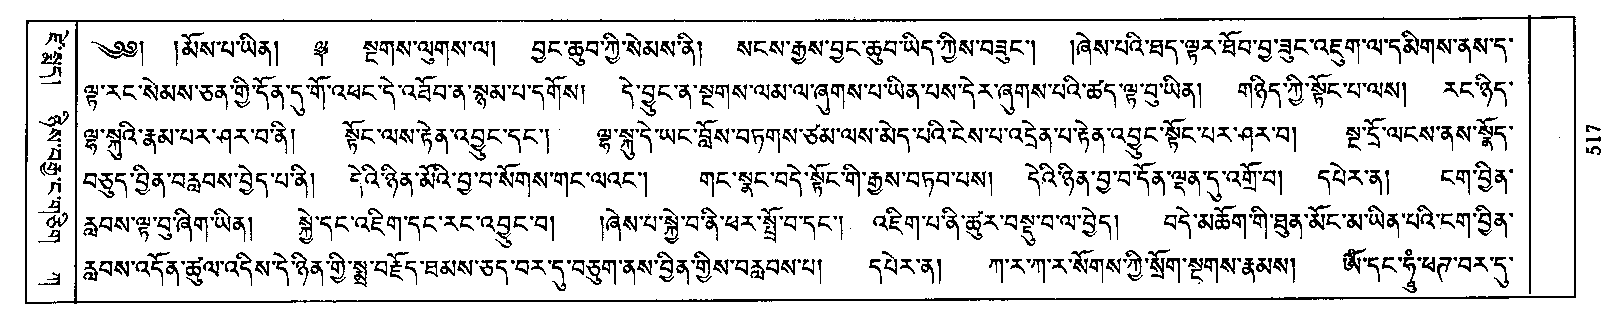༄༅། །མོས་པ་ཡིན། ༈ སྔགས་ལུགས་ལ། བྱང་ཆུབ་ཀྱི་སེམས་ནི། སངས་རྒྱས་བྱང་ཆུབ་ཡིད་ཀྱིས་བཟུང་། །ཞེས་པའི་ཐད་ལྟར་ཐོབ་བྱ་ཟུང་འཇུག་ལ་དམིགས་ནས་ད་
ལྟ་རང་སེམས་ཅན་གྱི་དོན་དུ་གོ་འཕང་དེ་འཐོབ་ན་སྙམ་པ་དགོས། དེ་བྱུང་ན་སྔགས་ལམ་ལ་ཞུགས་པ་ཡིན་པས་དེར་ཞུགས་པའི་ཚད་ལྟ་བུ་ཡིན། གཉིད་ཀྱི་སྟོང་པ་ལས། རང་ཉིད་
ལྷ་སྐུའི་རྣམ་པར་ཤར་བ་ནི། སྟོང་ལས་རྟེན་འབྱུང་དང་། ལྷ་སྐུ་དེ་ཡང་བློས་བཏགས་ཙམ་ལས་མེད་པའི་ངེས་པ་འདྲེན་པ་རྟེན་འབྱུང་སྟོང་པར་ཤར་བ། སྔ་དྲོ་ལངས་ནས་སྣོད་
བཅུད་བྱིན་བརླབས་བྱེད་པ་ནི། དེའི་ཉིན་མོའི་བྱ་བ་སོགས་གང་ལའང་། གང་སྣང་བདེ་སྟོང་གི་རྒྱས་བཏབ་པས། དེའི་ཉིན་བྱ་བ་དོན་ལྡན་དུ་འགྲོ་བ། དཔེར་ན། ངག་བྱིན་
རླབས་ལྟ་བུ་ཞིག་ཡིན། སྐྱེ་དང་འཇིག་དང་རང་འབྱུང་བ། །ཞེས་པ་སྐྱེ་བ་ནི་ཕར་སྤྲོ་བ་དང་། འཇིག་པ་ནི་ཚུར་བསྡུ་བ་ལ་བྱེད། བདེ་མཆོག་གི་ཐུན་མོང་མ་ཡིན་པའི་ངག་བྱིན་
རླབས་འདོན་ཚུལ་འདིས་དེ་ཉིན་གྱི་སྨྲ་བརྗོད་ཐམས་ཅད་བར་དུ་བཅུག་ནས་བྱིན་གྱིས་བརླབས་པ། དཔེར་ན། ཀ་ར་ཀ་ར་སོགས་ཀྱི་སྲོག་སྔགས་རྣམས། ཨོཾ་དང་ཧཱུཾ་ཕཊ་བར་དུ་